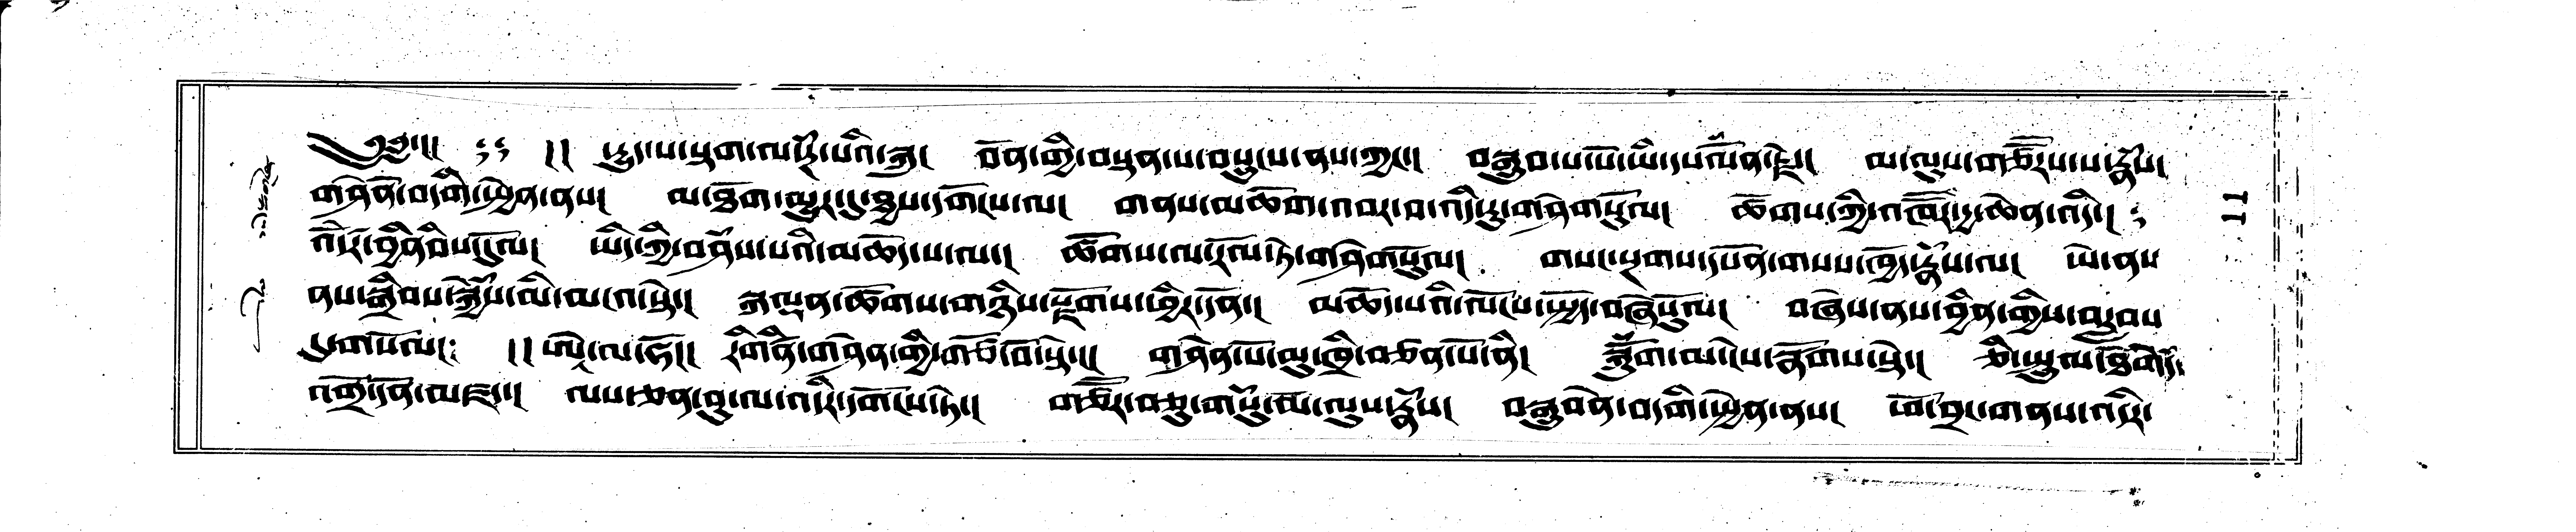པ་སྟག་ལ་རྔམ་པའི་སྐུ། བོན་གྱི་བསྟན་པ་བསྲུངས་ནས་ཀྱང་། སྒྲུབ་པ་པོ་ཡི་དཔལ་མགོན་རྗེ། མ་ལུས་གཙོ་འཁོར་བཅས་པ་རྣམས། 
གཤེན་པོ་བདག་གིས་སྤྱན་འདྲེན་ནས། མ་ཐོག་མྱུར་དུ་ཐུགས་དགོངས་ལ། གནས་མཆོག་འབར་བ་འདི་རུ་གཤེགས་སུ་གསོལ། ཚོགས་ཀྱི་འཁོར་ལོ་རྒྱ་ཆེན་འདི། 
འོད་ཟེར་བྱིན་གྱིས་བརླབས་ཏུ་གསོལ། ཡིད་ཀྱི་བཤམས་པའི་མཆོད་པ་ལ། ཚོགས་ལ་རོལ་ཏེ་གཤེགས་སུ་གསོལ། གསང་སྔགས་དཔོན་གསས་ཁྱོད་རྣམས་ལ། ཡེ་ནས་
སྒྲིབས་སྐྱེམས་མི་མངའ་སྟེ། སྐལ་ལྡན་ཚོགས་གཉིས་རྫོགས་ཕྱིར་དོན། མཆོད་པའི་ལོངས་སྤྱོད་བཞེས་སུ་གསོལ། བཞེས་ནས་བྱིན་གྱིས་བརླབས་
ཏུ་གསོལ།།།ཨེ་མ་ཧོ།། རིག་འཛིན་གཤེན་གྱི་གཙོ་བོ་སྟེ། གཤེན་པོ་མུ་ཁྲི་བཙན་པོ་ནི། སྐུ་མདོག་མ་ངེས་སྣ་ཚོགས་སྟེ། ཅི་སྤྲུལ་ཐོག་མེད་
འགྲོ་དོན་མཛད། ལས་ཅན་བུ་ལ་འདིར་དགོངས་ཏེ། གཙོ་འཁོར་བཅུ་གསུམ་མ་ལུས་རྣམས། བསྒྲུབ་ཆེན་བདག་གིས་སྤྱན་འདྲེན་ནས། ཕོ་བྲང་གནས་འདིར་